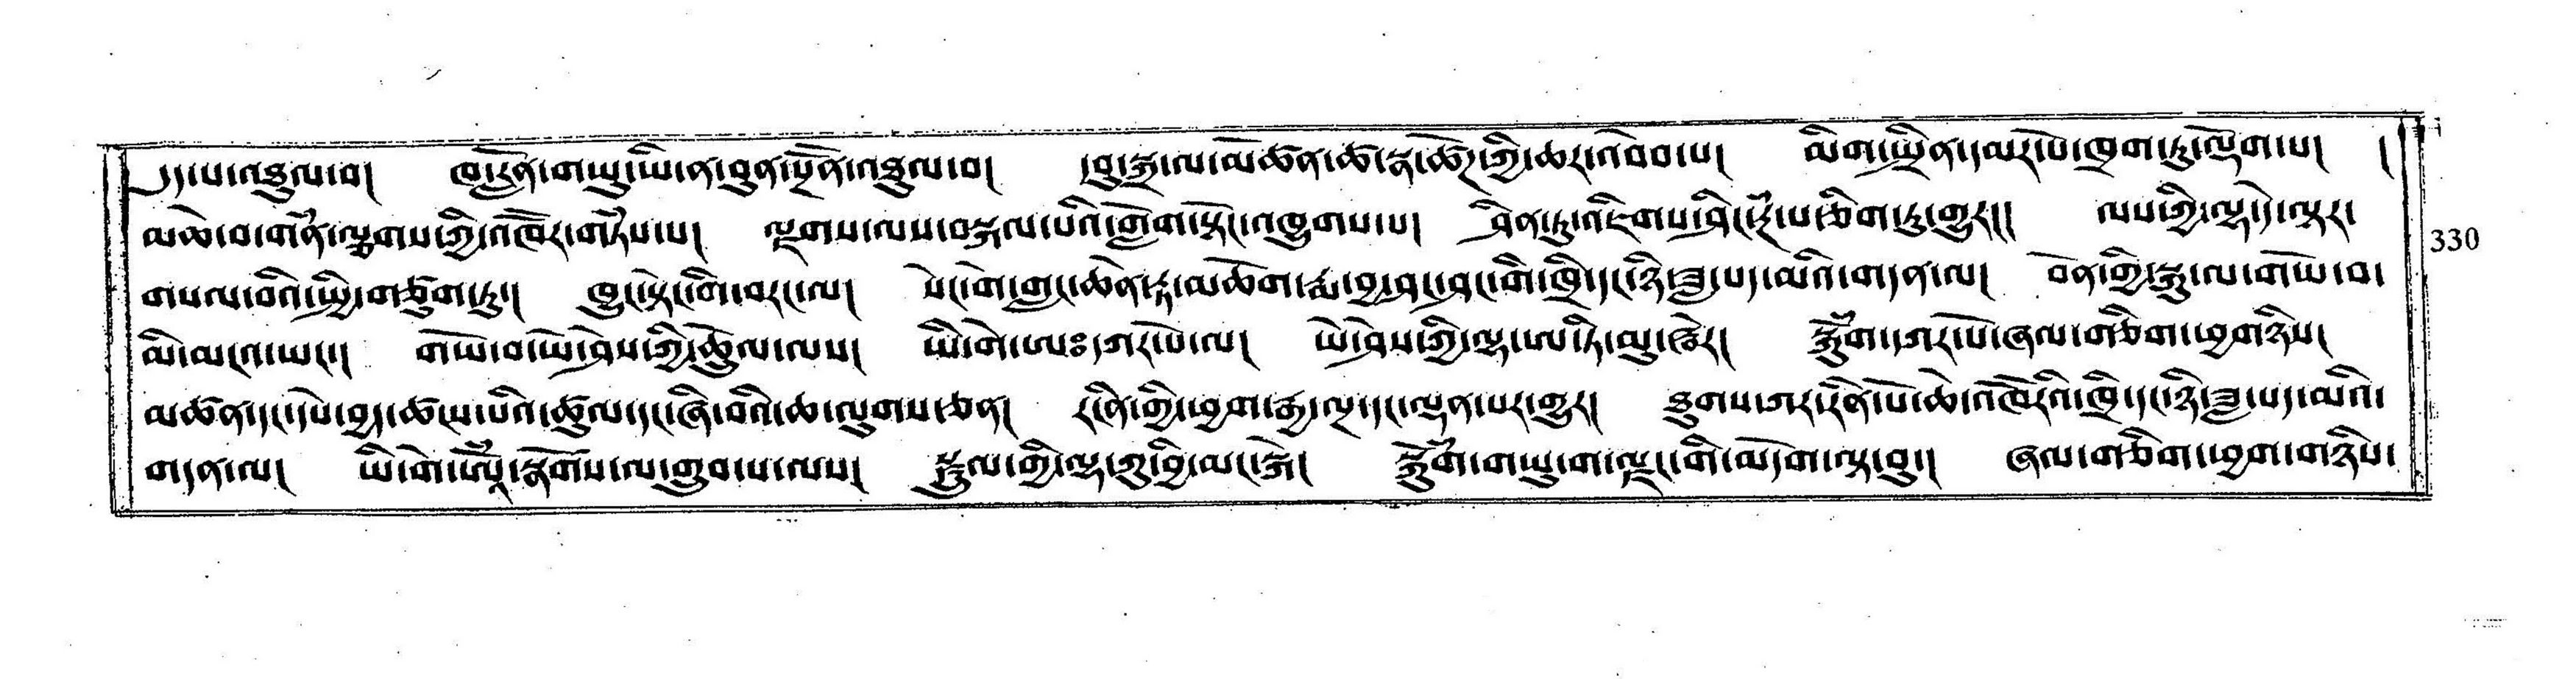དུད་པ་འཐུལ་བ། ཁ་རློན་གཡུ་ཡི་ན་བུན་སྔོན་པོ་འཐུལ་བ། དབུ་སྐྲ་ལ་མཚོན་ཆ་སྣ་ཚོགས་ཀྱི་ཆར་འབེབ་པ། མིག་སྤྲིན་དམར་པོ་ཁྲག་ཏུ་ལྡོག་པ། 
མཆེ་བ་གནམ་ལྕགས་ཀྱི་འཁོར་ལོ་གཏམས་པ། ལྗགས་ལས་བསྐལ་པའི་གློག་སྟོང་འཁྱུགས་པ། ཤིན་ཏུ་འཇིགས་ཤིང་རྔམ་པ་ཅིག་ཏུ་གྱུར།། ལས་ཀྱི་ལྷ་དེ་ལྟར་
གསལ་བའི་སྤྱི་གཙུག་ཏུ། ཁྱུང་སྟེང་གི་བར་སྣང་ལ། སེང་གེ་གླང་ཆེན་རྟ་མཆོག་རྨ་བྱ་ཤང་ཤང་གི་ཁྲི་དང་ཉི་ཟླ་པད་མའི་གདན་ལ། བོན་གྱི་སྐུ་ལ་གཡོ་བ་
མི་མངའ་ཡང་། གཡོ་བ་ཡེ་ཤེས་ཀྱི་ཆོ་འཕྲུལ་ལས། ཡི་གེ་ཨཿདཀར་པོ་ལ། ཡེ་ཤེས་ཀྱི་ལྷ་ཨ་ཏི་མུ་ཝེར། སྐུ་མདོག་དཀར་པོ་ཞལ་གཅིག་ཕྱག་གཉིས། 
མཚན་དང་དཔེ་བྱད་ཚངས་པའི་ཚུལ་དང་ཞི་བའི་ཆ་ལུགས་ཅན། རང་བཞིན་གྱི་ཕྱག་རྒྱ་ལྔ་དང་ལྡན་པར་གྱུར། ཐུགས་ཀར་རིན་པོ་ཆེ་འཁོར་ལོའི་ཁྲི་དང་ཉི་ཟླ་པད་མའི་
གདན་ལ། ཡི་གེ་ཨཱོཾ་སྣ་ཚོགས་ལ་གྲུབ་པ་ལས། རྫུ་འཕྲུལ་ལྷ་ཀུ་བྱི་མང་སྐེ། སྐུ་མདོག་གཡུ་ག་ལྗང་གི་མདོག་ལྟ་བུ། ཞལ་གཅིག་ཕྱག་གཉིས་